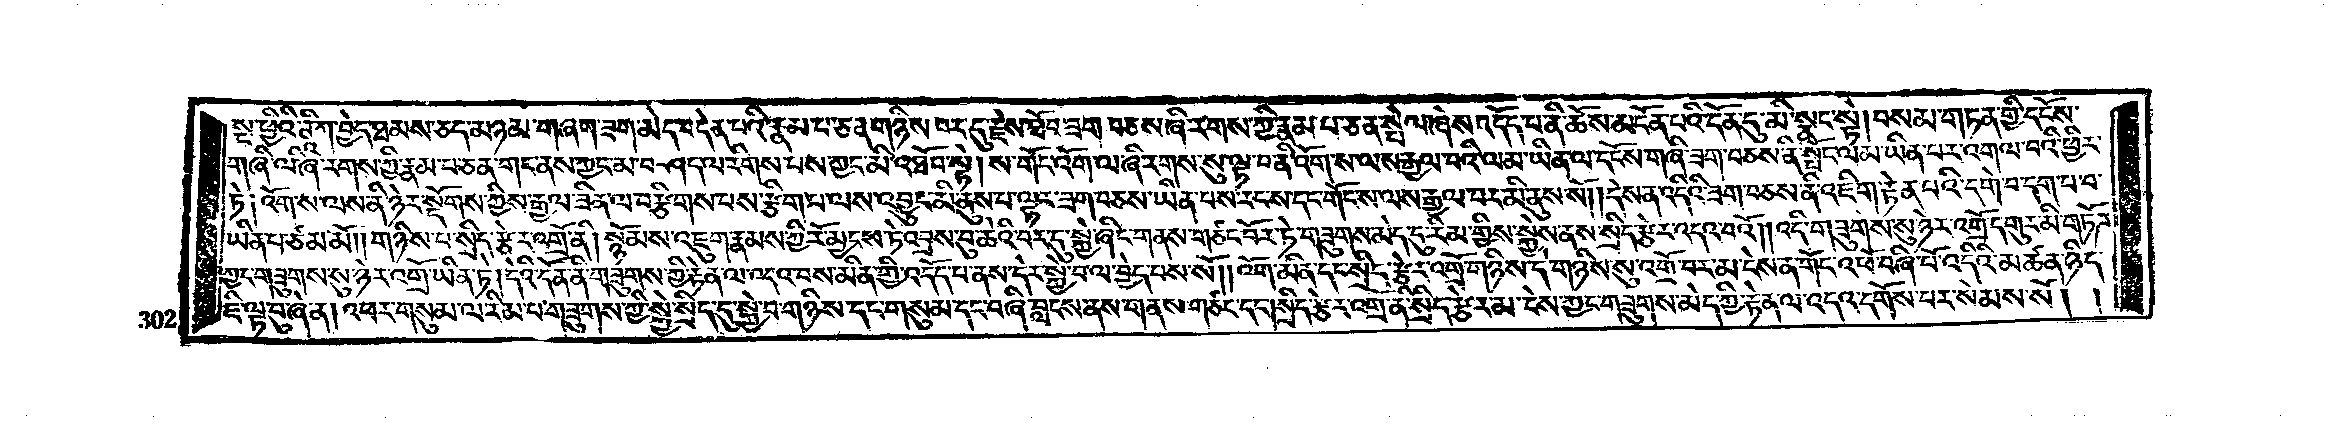སྔ་ཕྱིའི་ཊཱིཀ་བྱེད་ཐམས་ཅད་མཉམ་གཞག་ཟག་མེད་བདེན་པའི་རྣམ་པ་ཅན་གཉིས་བར་དུ་རྗེས་ཐོབ་ཟག་བཅས་ཞི་རགས་ཀྱི་རྣམ་པ་ཅན་སྤེལ་ཞེས་འདོད་པ་ནི་ཆོས་མངོན་པའི་དོན་དུ་མི་སྣང་སྟེ། བསམ་གཏན་གྱི་དངོས་
གཞི་ལ་ཞི་རགས་ཀྱི་རྣམ་པ་ཅན་གང་ནས་ཀྱང་མ་བཤད་ལ་རིགས་པས་ཀྱང་མི་འཐོབ་སྟེ། ས་གོང་འོག་ལ་ཞི་རགས་སུ་ལྟ་བ་ནི་འོག་ས་ལས་རྒྱལ་བའི་ལམ་ཡིན་ལ་དངོས་གཞི་ཟག་བཅས་ནི་སྤོང་ལམ་ཡིན་པར་འགལ་བའི་ཕྱིར་
ཏེ། འོག་ས་ལས་ནི་ཉེར་སྡོགས་ཀྱིས་རྒྱལ་ཟིན་ལ་བརྩིགས་པས་རྩིག་པ་ལས་འབྱུང་མི་ནུས་པ་ལྟར་ཟག་བཅས་ཡིན་པས་རང་ས་དང་གོང་ས་ལས་རྒྱལ་བར་མི་ནུས་སོ། །དེ་ན་འདིའི་ཟག་བཅས་ནི་འཇིག་རྟེན་པའི་དགེ་བ་དག་པ་བ་
ཡིན་པ་ཙམ་མོ། །གཉིས་པ་སྲིད་རྩེར་འགྲོ་ནི། སྙོམས་འཇུག་རྣམས་ཀྱི་རོ་མྱངས་ཏེ་འབྲས་བུ་ཆེའི་བར་དུ་སྐྱེ་ཞིང་གནས་གཙང་བོར་ཏེ་གཟུགས་མེད་དུ་རིམ་གྱིས་སྐྱེས་ནས་སྲིད་རྩེར་འདའ་བའོ། །འདི་གཟུགས་སུ་ཉེར་འགྲོ་དགུར་མི་གཏོགས་
ཀྱང་གཟུགས་སུ་ཉེར་འགྲོ་ཡིན་ཏེ། དེའི་དོན་ནི་གཟུགས་ཀྱི་རྟེན་ལ་འདའ་བས་མིན་གྱི་འདོད་པ་ནས་དེར་སྐྱེ་བ་ལ་བྱེད་པས་སོ། །འོག་མིན་དང་སྲིད་རྩེར་འགྲོ་གཉིས་དེ་གཉིས་སུ་འགྲོ་བར་མ་ངེས་ན་གོང་འཕོ་བཞི་པོ་འདིའི་མཚན་ཉིད་
ཇི་ལྟ་བུ་ཞེ་ན། འཕར་གསུམ་ལ་རིམ་པ་གཟུགས་ཀྱི་སྐྱེ་སྲིད་དུ་སྐྱེ་བ་གཉིས་དང་གསུམ་དང་བཞི་བླངས་ནས་གནས་གཙང་དང་། སྲིད་རྩེར་འགྲོ་ནི་སྲིད་རྩེར་མ་ངེས་ཀྱང་གཟུགས་མེད་ཀྱི་རྟེན་ལ་འདའ་དགོས་པར་སེམས་སོ། །